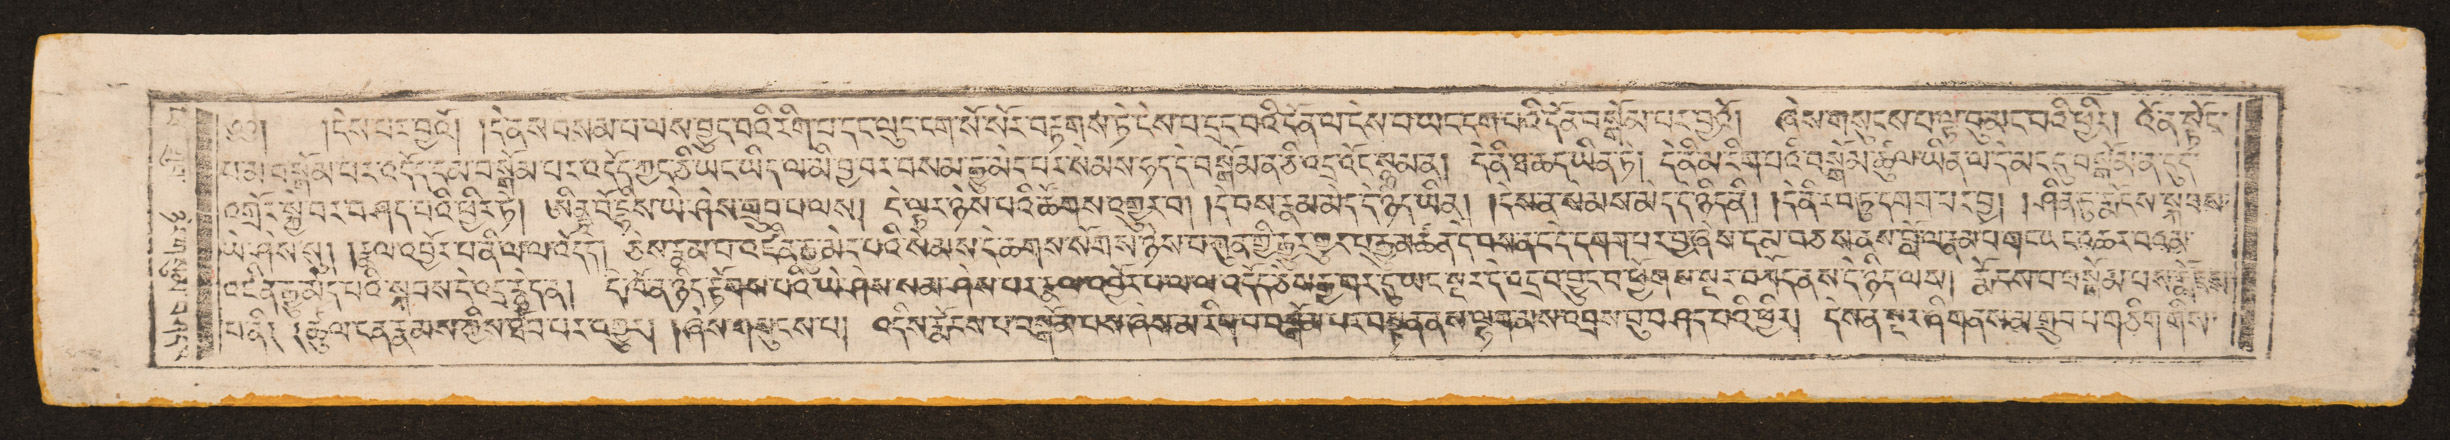༄༅། །ངེས་པར་བྱའོ། །དེ་ནས་བསམ་པ་ལས་བྱུང་བའི་རིག་པ་དང་ལུང་ངག་སོ་སོར་བརྟགས་ཏེ་ངེས་པ་དྲང་པའི་དོན་ལ་ངེས་པ་ཡང་དག་པའི་དོན་བསྒོམ་པར་བྱའོ། ཞེས་གསུངས་པ་ལྟ་བུ་མང་པའི་ཕྱིར། འོ་ན་སྟོང་
བམ་བསྒོམ་པར་འདོད་དམ་བསྒོམ་པར་འདོད་ཀྱང་ཅི་ཡང་ཡིད་ལ་མི་བྱ་བར་བསམ་རྒྱུ་མེད་པར་སེམས་ཧད་དེ་བསྒོམ་ན་ཅི་འདྲ་འོང་སྙམ་ན། དེ་ནི་ཐ་ཆད་ཡིན་ཏེ། དེ་ནི་མ་རིག་པའི་བསྒོམ་ཚུལ་ཡིན་ལ་དེ་མང་དུ་བསྒོམ་ན་དུད་
འགྲོར་སྐྱེ་བར་བཤད་པའི་ཕྱིར་ཏེ། ཨིནྟྲ་བོ་དྷིས་ཡེ་ཤེས་གྲུབ་པ་ལས། དེ་ལྟར་ཉེས་པའི་ཚོགས་འགྱུར་བ། །དེ་བས་རྣམ་མེད་དེ་ཉིད་ཡིན། །དེས་ན་སེམས་མེད་དེ་ཉིད་ནི། །དེ་ནི་རབ་ཏུ་དགག་པར་བྱ། །ཤིན་ཏུ་རྨོངས་སྐབས་
ཡེ་ཤེས་སུ། །རྣལ་འབྱོར་པ་ནི་ལ་ལ་འདོད། ཅེས་རྣམ་པ་འཛིན་རྒྱུ་མེད་པའི་སེམས་དེ་ཆགས་སོགས་ཉེས་པ་ཀུན་གྱི་རྒྱུར་གྱུར་པ་རྒྱུ་མཚན་དེ་བས་ནང་དེ་དགག་པར་བྱ་ཞེས་དམ་བཅས་ནས་བློ་ལ་རྣམ་པ་གང་ཡང་འཆར་བའམ་
འཛིན་རྒྱུ་མེད་པའི་སྐབས་དེ་འདྲ་རྙེད་ན། དེ་ཁོ་ན་ཉིད་རྟོགས་པའི་ཡེ་ཤེས་སམ་ཤེས་པར་རྣལ་འབྱོར་པ་ལ་ལ་འདོད་ཅེས་རྒྱ་གར་དུ་ཡང་སྔར་དེ་འདྲ་པ་བྱུང་བ་ཕྱོགས་སྔར་བཀོད་ནས་དེ་ཉིད་ལས། རྨོངས་པ་བསྒོམ་པས་རྨོངས་
པ་ནི༑ ༑ཚུལ་ངན་རྣམས་ཀྱིས་ཐོབ་པར་འགྱུར། །ཞེས་གསུངས་པ། འདིས་རྨོངས་པ་བསྒོམ་བས་ཞེས་མ་རིག་པ་བསྒོམ་པར་བསྟན་ནས་ལྷག་མས་འབྲས་བུ་བཤད་པའི་ཕྱིར། དེས་ན་སྔར་ཞིག་ནས་མ་གྲུབ་པ་གཅིག་གིས་